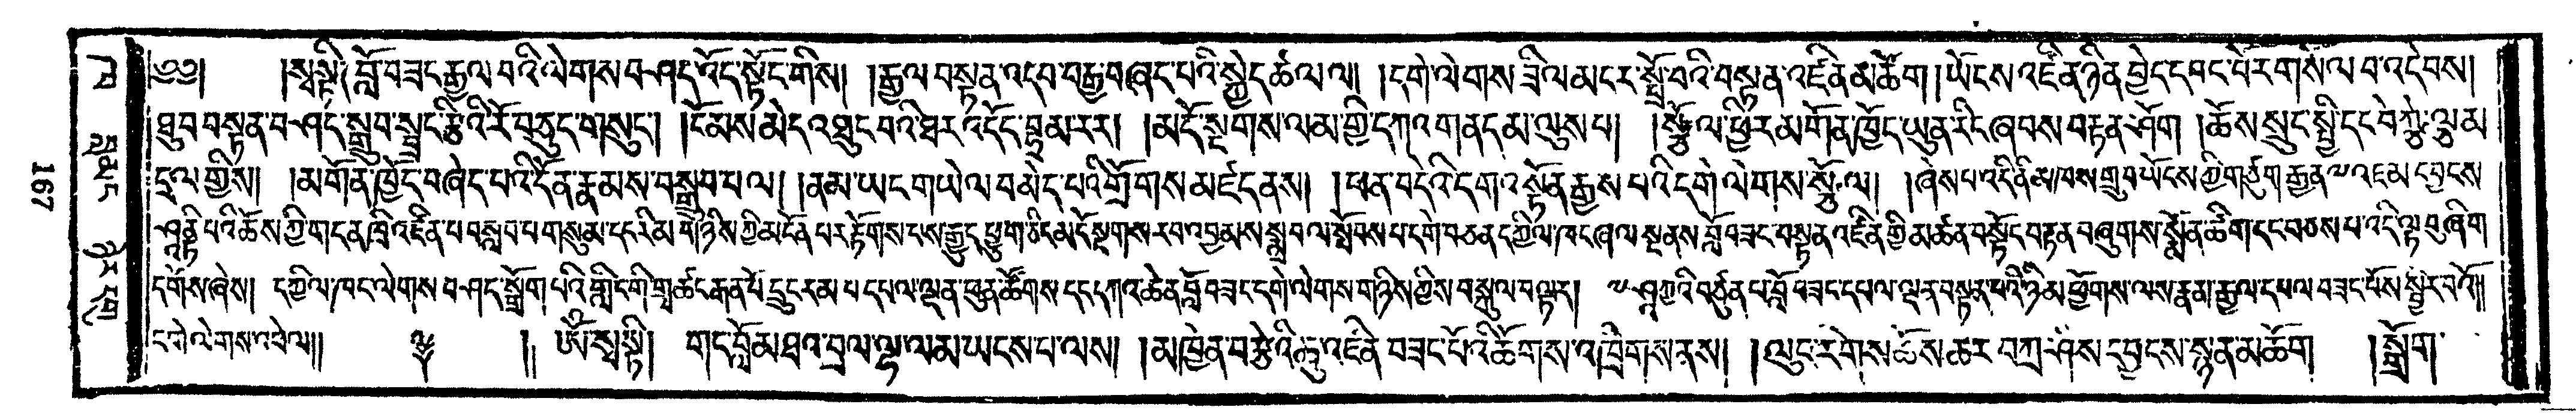༄༅། །སྭ་སྟི༑ བློ་བཟང་རྒྱལ་བའི་ལེགས་བཤད་འོད་སྟོང་གིས། །རྒྱལ་བསྟན་འདབ་བརྒྱ་བཞད་པའི་སྐྱེད་ཚལ་ལ། །དགེ་ལེགས་ཟིལ་མངར་སྤྲོ་བའི་བསྟན་འཛིན་མཚོག །ཡོངས་འཛིན་ཉིན་བྱེད་དབང་པོར་གསོལ་བ་འདེབས།
ཐུབ་བསྟན་བཤད་སྒྲུབ་སྦྲང་རྩིའི་རོ་བཅུད་གསུང་། །ངོམས་མེད་འཐུང་བའི་ཐར་འདོད་བྷྲ་མ་རར། །མདོ་སྔགས་ལམ་གྱི་དཀའ་གནད་མ་ལུས་པ། །སྩོལ་ཕྱིར་མགོན་ཁྱོད་ཡུན་རིང་ཞབས་བརྟན་ཤོག །ཆོས་སྲུང་སྤྱི་དང་བེཀྩེ་ལྕམ་
དྲལ་གྱིས། །མགོན་ཁྱོད་བཞེད་པའི་དོན་རྣམས་བསྒྲུབ་པ་ལ། །ནམ་ཡང་གཡེལ་བ་མེད་པའི་གྲོགས་མཛད་ནས། །ཕན་བདེའི་དགའ་སྟོན་རྒྱས་པའི་དགེ་ལེགས་སྩོལ། །ཞེས་པ་འདི་ནི་མཁས་གྲུབ་ཡོངས་ཀྱི་གཙུག་རྒྱན་༧་འཇམ་དབྱངས་
ཤཱནྟི་པའི་ཆོས་ཀྱི་གདན་ཁྲི་འཛིན་པ་བསླབ་པ་གསུམ་དང་རིམ་གཉིས་ཀྱི་མངོན་པར་རྟོགས་པས་རྒྱུད་ཕྱུག་ཅིང་མདོ་སྔགས་རབ་འབྱམས་སྨྲ་བ་ལ་སྤོབས་པ་དགེ་བ་ཅན་དཀྱིལ་ཁང་ཞལ་སྔ་ནས་བློ་བཟང་བསྟན་འཛིན་གྱི་མཚན་བསྟོད་བརྟན་བཞུགས་སྨོན་ཚིག་དང་བཅས་པ་འདི་ལྟ་བུ་ཞིག་
དགོས་ཞེས། དཀྱིལ་ཁང་ལེགས་བཤད་སྒྲོག་པའི་གླིང་གི་གྲྭ་ཚང་རྒན་པོ་དྲུང་རམ་པ་དཔལ་ལྡན་ཕུན་ཚོགས་དང་དཀའ་ཆེན་བློ་བཟང་དགེ་ལེགས་གཉིས་ཀྱིས་བསྐུལ་བ་ལྟར། ༧་ཤཱཀྱའི་བཙུན་པ་བློ་བཟང་དཔལ་ལྡན་བསྟན་པའི་ཉི་མ་ཕྱོགས་ལས་རྣམ་རྒྱལ་དཔལ་བཟང་པོས་སྦྱར་བའོ།།
དགེ་ལེགས་འཕེལ།། ༈ །།ཨོཾ་སྭ་སྟི། གང་བློ་མཐའ་བྲལ་ལྷ་ལམ་ཡངས་པ་ལས། །མཁྱེན་བརྩེའི་ཆུ་འཛིན་བཟང་པོའི་ཚོགས་འཁྲིགས་ནས། །ལུང་རིགས་ཆོས་ཆར་བཀྲ་ཤིས་དབྱངས་སྙན་མཆོག །སྒྲོག་